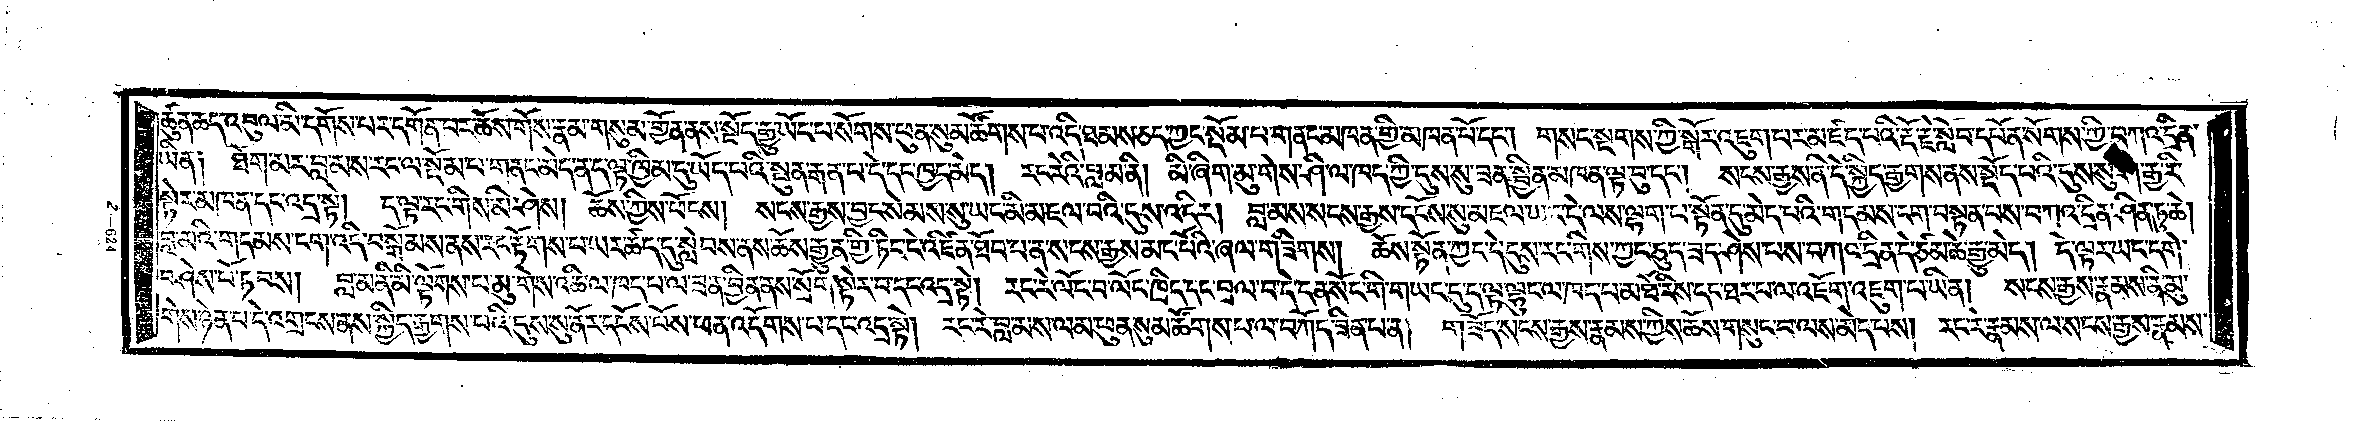ཚུན་ཆད་འབུལ་མི་དགོས་པར་དགོན་པར་ཆོས་གོས་རྣམ་གསུམ་གྱོན་ནས་སྔོད་རྒྱུ་ཡོང་པ་སོགས་ཕུན་སུམ་ཚོགས་པ་འདི་ཐམས་ཅད་ཀྱང་སྡོམ་པ་གནང་མཁན་གྱི་མཁན་པོ་དང་། གསང་སྔགས་ཀྱི་སྒོར་འཇུག་པར་མཛད་པའི་རྡོ་རྗེ་སློབ་དཔོན་སོགས་ཀྱི་བཀའ་དྲིན་
ཡིན། ཐོག་མར་བླ་མས་རང་ལ་སྡོམ་པ་གནང་མེད་ན་ད་ལྟ་ཁྱིམ་དུ་ཡོད་པའི་སྤུན་རྒན་པ་དེ་དང་ཁྱད་མེད། རང་རེའི་བླ་མ་ནི། མི་ཞིག་མུ་གེས་ཤི་ལ་ཁད་ཀྱི་དུས་སུ་ཟན་སྦྱིན་མཁན་ལྟ་བུ་དང་། སངས་རྒྱས་ནི་དེ་སྐྱིད་རྒྱགས་ནས་སྡོད་པའི་དུས་སུ་ཤ་རྒྱ་རི་
སྟེར་མཁན་དང་འདྲ་སྟེ། ད་ལྟ་རང་གིས་མི་ཤེས། ཆོས་ཀྱིས་ཕོངས། སངས་རྒྱས་བྱང་སེམས་སུ་ཡང་མི་མཇལ་བའི་དུས་འདིར། བླ་མས་སངས་རྒྱས་དངོས་སུ་མཇལ་ཡང་དེ་ལས་ལྷག་པ་སྟོན་དུ་མེད་པའི་གདམས་ངག་བསྟན་པས་བཀའ་དྲིན་ཤིན་ཏུ་ཆེ།
བླ་མའི་གདམས་ངག་འདི་བསྒོམས་ནས་རང་རྟོགས་པ་ཡར་ཚད་དུ་སླེབས་ནས་ཆོས་རྒྱུན་གྱི་ཏིང་ངེ་འཛིན་ཐོབ་པ་ན་སངས་རྒྱས་མང་པོའི་ཞལ་གཟིགས། ཆོས་སྟོན་ཀྱང་དེ་དུས་རང་གིས་ཀྱང་ཅུང་ཟད་ཤེས་པས་བཀའ་དྲིན་དེ་ཙམ་ཆེ་རྒྱུ་མེད། དེ་ལྟར་ཡང་དགེ་
བཤེས་པོ་ཐབས། བླ་མ་ནི་མི་ལྟོགས་པ་མུ་གེས་འཆི་ལ་ཁྱད་པ་ལ་ཟན་བྱིན་ནས་སྲོག་སྟེར་བ་དང་འདྲ་སྟེ། རང་རེ་ལོང་བ་ལོང་ཁྲིད་དང་བྲལ་བ་དེ་ངན་སོང་གི་གཡང་དུ་ད་ལྟ་ལྷུང་ལ་ཁྱད་པ་མཐོ་རིས་དང་ཐར་པ་ལ་འཇོག་འཇུག་པ་ཡིན། སངས་རྒྱས་རྣམས་ནི་མུ་
གེས་ཉེན་པ་དེ་འགྲངས་ནས་སྐྱིད་རྒྱགས་པའི་དུས་སུ་ནོར་དངོས་པོས་ཕན་འདོགས་པ་དང་འདྲ་སྟེ། རང་རེ་བླ་མས་ལམ་ཕུན་སུམ་ཚོགས་པ་ལ་བཀོད་ཟིན་པ་ན། གཟོད་སངས་རྒྱས་རྣམས་ཀྱིས་ཆོས་གསུང་བ་ལས་མེད་པས། རང་རེ་རྣམས་ལ་སངས་རྒྱས་རྣམས་